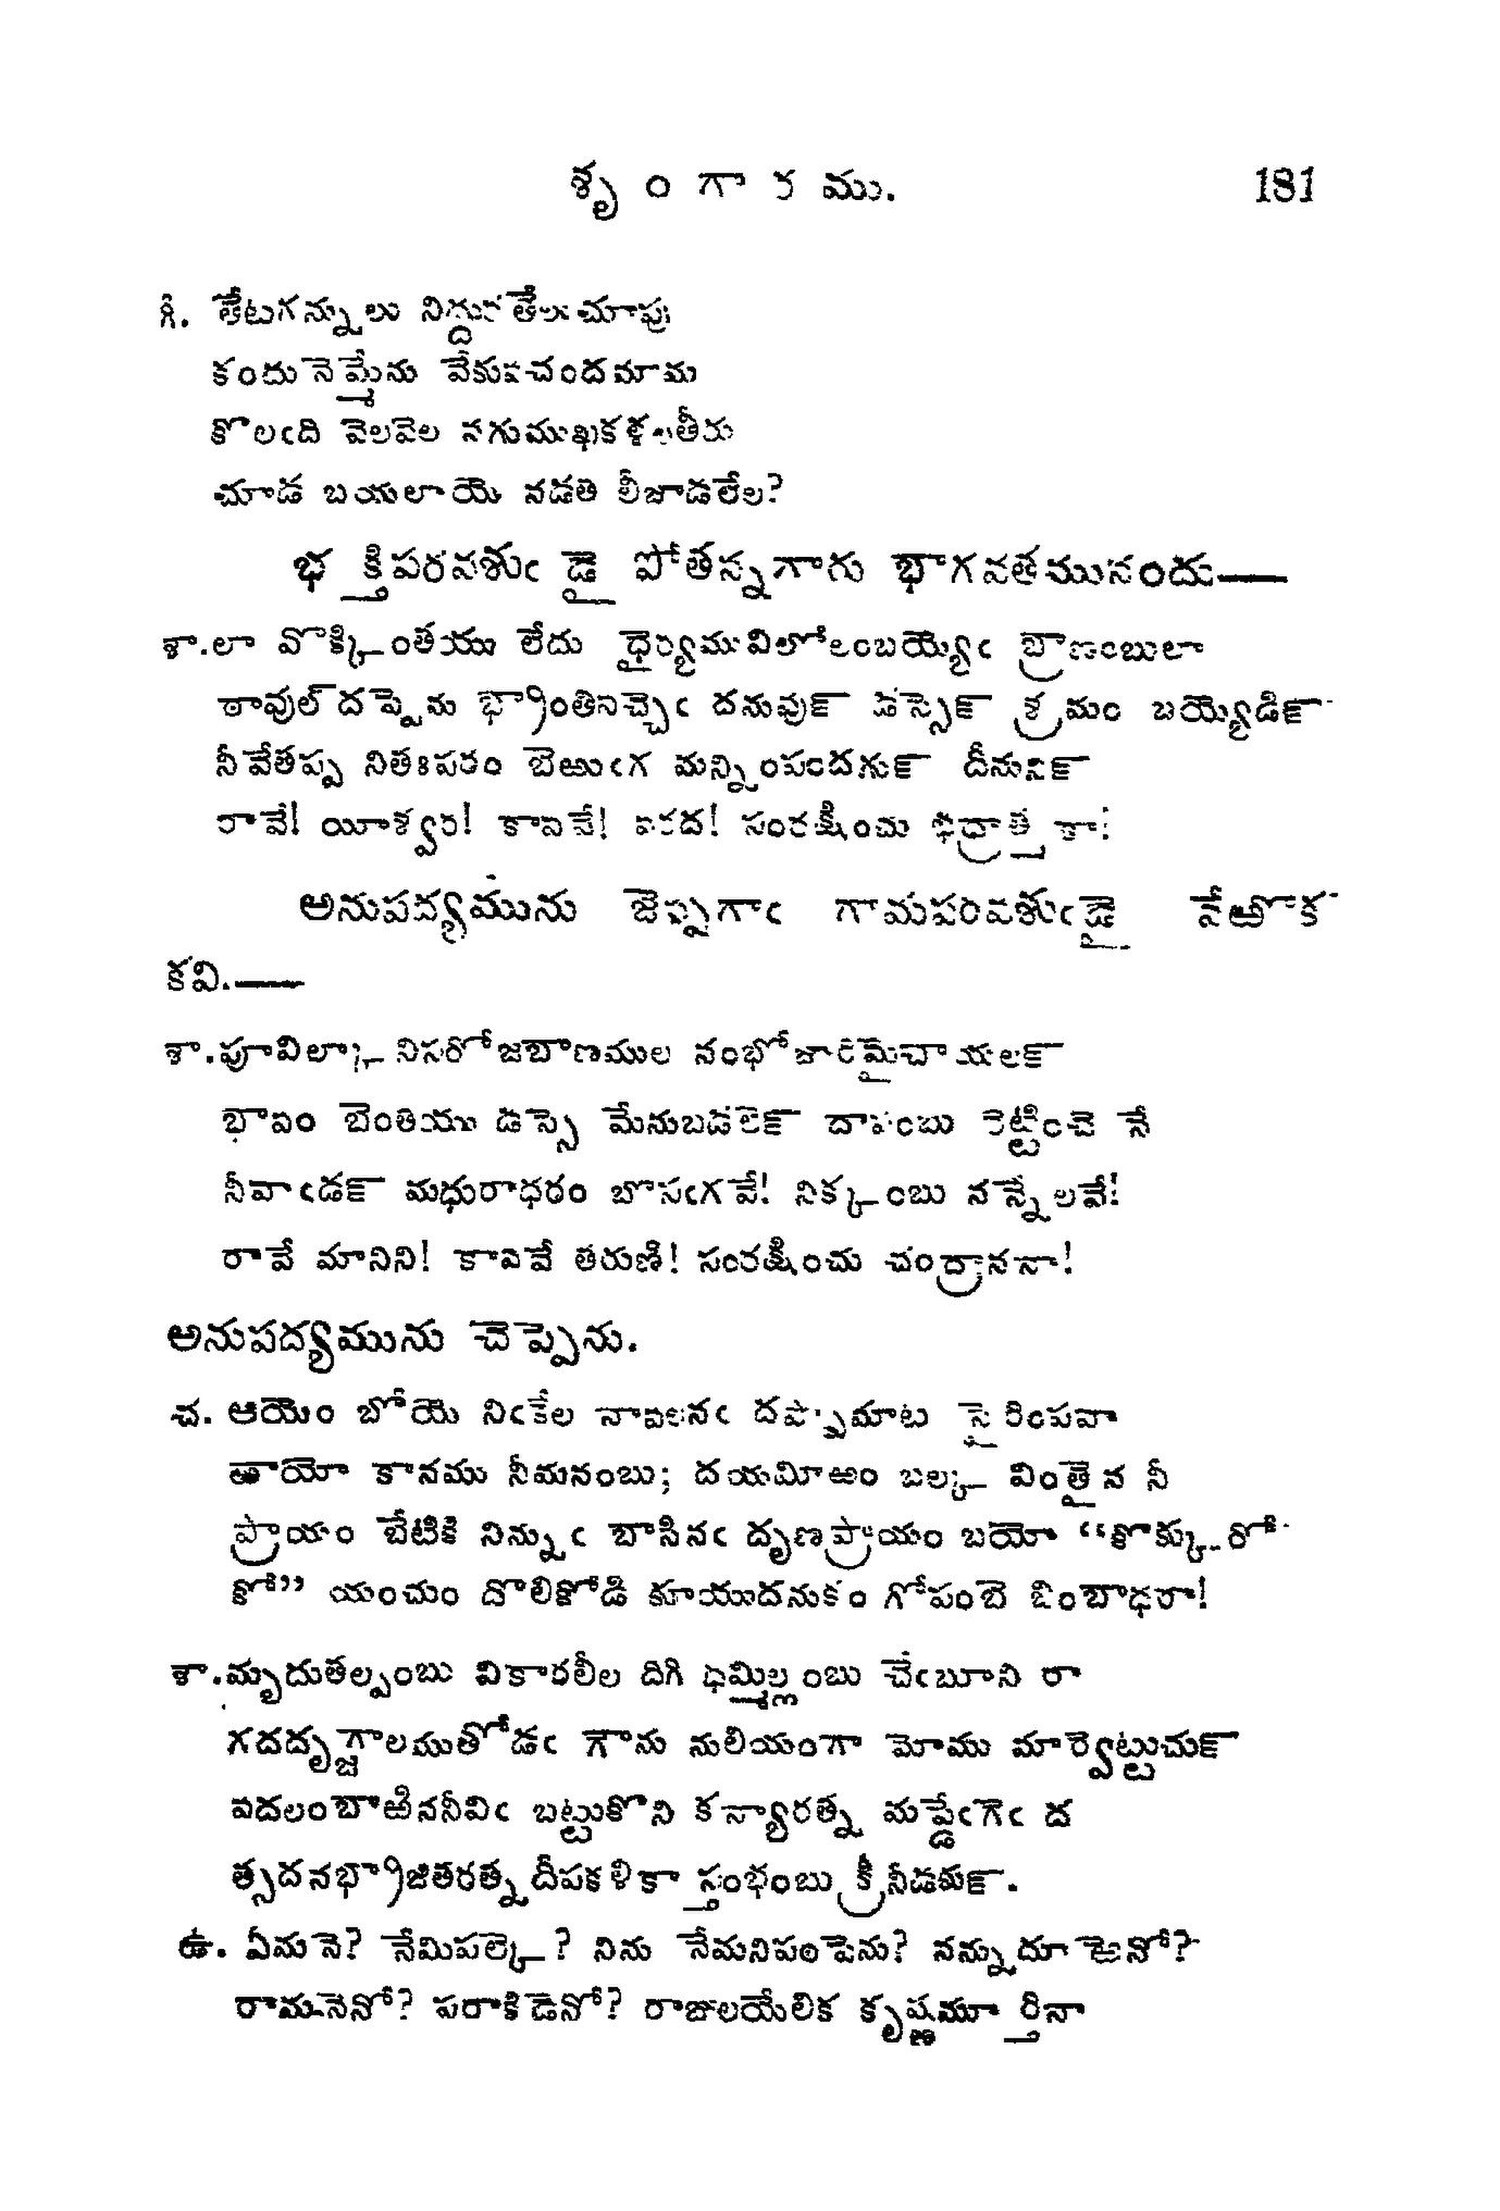గీ. తేటతెన్నులు నిద్దురతేలుచూపు
 కందునెమ్మేను వేకువచందమామ
 కొలఁది వెలవెల నగుముఖకళలతీరు
 చూడ బయలాయె నడత లీజాడ లేల?
భక్తిపరవశుఁ డై పోతన్నగారు భాగవతమునందు—
శా. లా వొక్కింతయు లేదు; ధైర్యము విలోలంబయ్యె; బ్రాణంబులున్
 ఠావుల్ దప్పెను; మూర్ఛ వచ్ఛెఁ; దనువున్ డస్సెన్; శ్రమంబయ్యెడిన్; 
 నీవే తప్ప నితఃపరం బెఱుఁగ; మన్నింపందగున్ దీనునిన్; 
 రావే! యీశ్వర! కావవే వరద! సంరక్షింపు భద్రాత్మకా!
అనుపద్యమును జెప్పఁగాఁ గామపరవశుఁడై వేఱొకకవి—
శా. పూవిల్కానిసరోజబాణముల నంభోజారిమైచాయలన్
 భావం బెంతయు డస్సె మేను బడలెన్ దాపంబు వుట్టించె నే
 నీవాఁడన్ మధురాధరం బొసఁగవే! నిక్కంబు న న్నేలవే!
 రావే మానిని! కావవే తరుణి! సంరక్షించు చంద్రాననా!
అనుపద్యమును చెప్పెను.
శా. ఆయం బోయె నింకేల నావలనఁ దప్పా మాట సైరింపవా
 ఱో కానము నీమనంబు; దయమీఱం బల్క వింతైన నీ
 ప్రాయం బేటికి నిన్నుఁ బాసినఁ దృణప్రాయం బయో “కొక్కురో
 కో” యంచుం దొలికోడి కూయుదనుకం గోపంబె బింబాధరా!
మ. మృదుతల్పంబు వికారలీల దిగి ధమ్మిల్లంబు చేఁబూని రా
 గదదృగ్జాలముతోడఁ గౌను నులియంగా మోము మార్వెట్టుచున్
 వదలం బాఱిన నీవిఁ బట్టుకొని కన్యారత్న మప్డేఁగెఁ ద
 త్సదనభ్రాజితరత్నదీపకళికాస్తంభంబు క్రీనీడకున్.
ఉ. ఏమనె? నేమి పల్కె? నిను నేమని పంపెను? నన్ను దూఱెనో?
 రామనెనో? పరాకిడెనొ? రాజులయేలిక కృష్ణమూర్తి నా